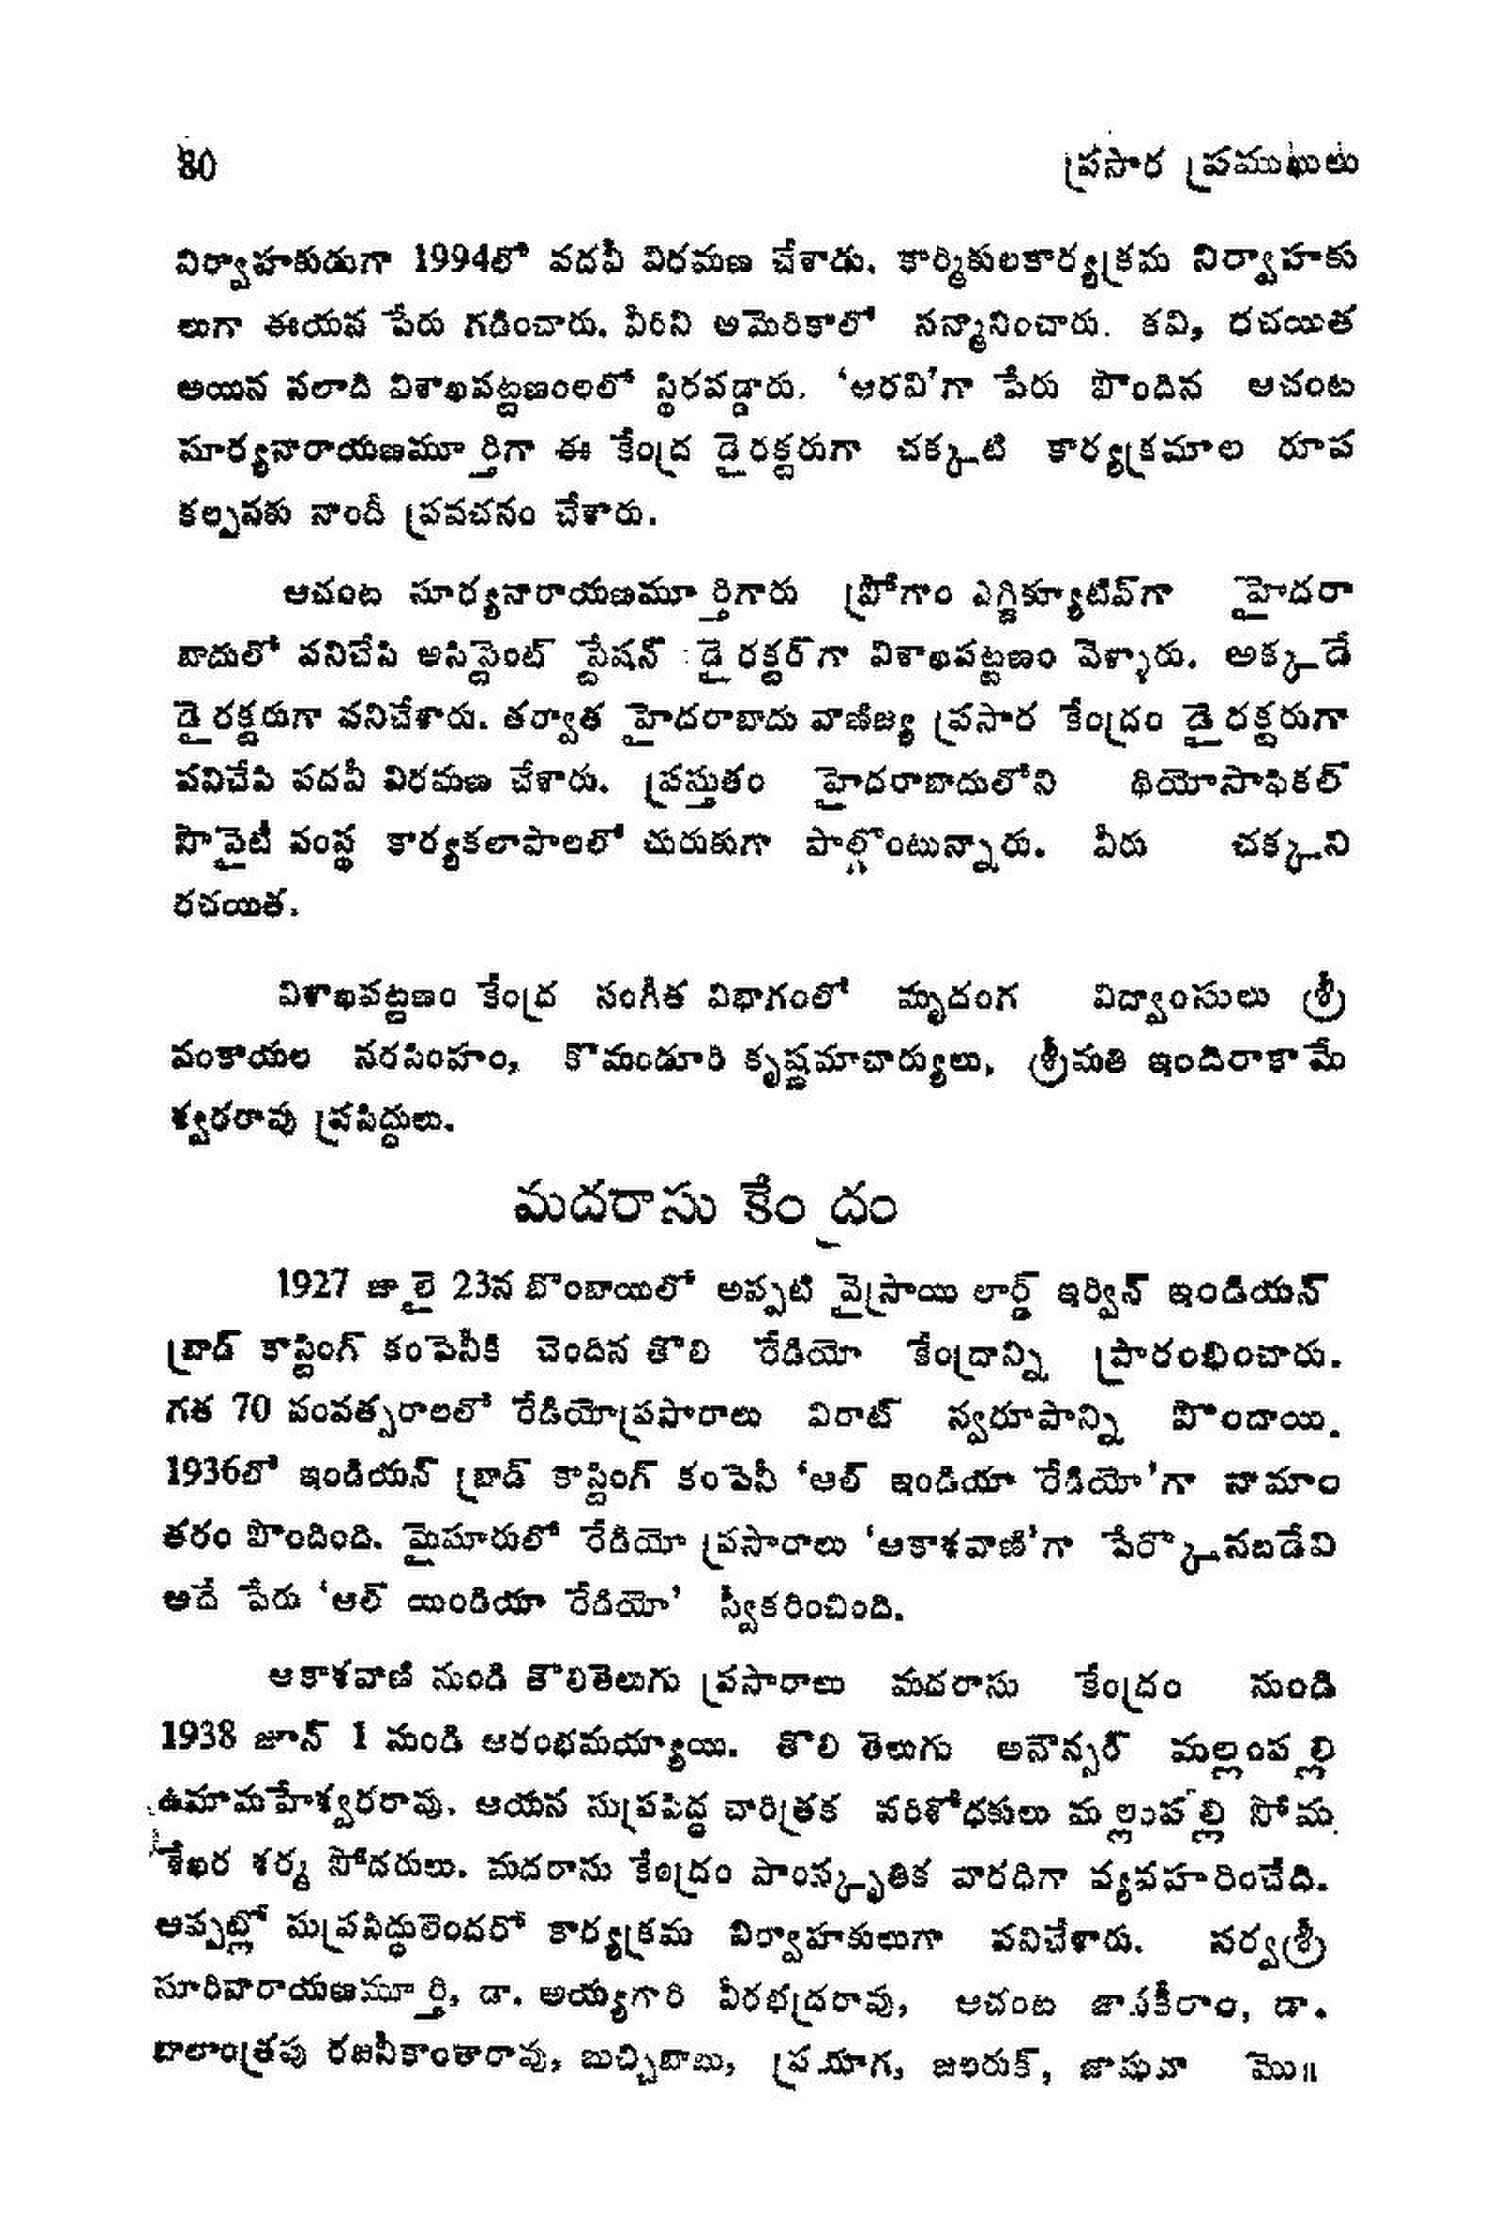నిర్వాహకుడుగా 1994లో పదవీ విరమణ చేశాడు. కార్మికులకార్యక్రమ నిర్వాహకులుగా ఈయన పేరు గడించారు. వీరిని ఆమెరికాలో సన్మానించారు. కవి, రచయిత అయిన సలాది విశాఖపట్టణంలో స్థిరపడ్డారు. ' ఆరవి ' గా పేరు పొందిన ఆచంట సూర్యనారాయణమూర్తిగా ఈ కేంద్ర డైరక్టరుగా చక్కటి కార్యక్రమాల రూపకల్పనకు నాందీ ప్రవచనం చేశారు.

ఆచంట సూర్యనారాయణమూర్తిగారు ప్రోగ్రాం ఎగ్జిక్యూటివ్ గా హైదరాబాదులో పనిచేసి అసిస్టెంట్ స్టేషన్ డైరక్టర్ గా విశాఖపట్టణం వెళ్ళారు. అక్కడే డైరక్టరుగా పనిచేశారు. తర్వాత హైదరాబాదు వాణిజ్య ప్రసార కేంద్రం డైరక్టరుగా పనిచేసి పదవీ విరమణ చేశారు. ప్రస్తుతం హైదరాబాదులోని థియోసాఫికల్ సొసైటీ సంస్థ కార్యకలాపాలలో చురుకుగా పాల్గొంటున్నారు. వీరు చక్కని రచయిత.

విశాఖపట్టణం కేంద్ర సంగీత విభాగంలో మృదంగ విద్వాంసులు శ్రీ వంకాయల నరసింహం, కొమండూరి కృష్ణమాచార్యులు, శ్రీమతి ఇందిరా కామేశ్వరరావు ప్రసిద్ధులు.

1927 జులై 23న బొంబాయిలో అప్పటి వైస్రాయి లార్డ్ ఇర్విన్ ఇండియన్ బ్రాడ్ కాస్టింగ్ కంపెనీకి చెందిన తొలి రేడియో కేంద్రాన్ని ప్రారంభించారు. గత 70 సంవత్సరాలలో రేడియోప్రసారాలు విరాట్ స్వరూపాన్ని పొందాయి. 1936లో ఇండియన్ బ్రాడ్ కాస్టింగ్ కంపెనీ 'ఆల్ ఇండియా రేడియో ' గా నామాంతరం పొందింది. మైసూరులొ రేడియో ప్రసారాలు 'ఆకాశవాణి ' గా పేర్కొనబడేవి అదే పేరు "ఆల్ యిండియా రేడియో ' స్వీకరించింది.

ఆకాశవాణి నుండి తొలితెలుగు ప్రసారాలు మదరాసు కేంద్రం నుండి 1938 జూన్ 1 నుండి ఆరంభమయ్యాయి. తొలి తెలుగు అనౌన్సర్ మల్లంపల్లి ఉమామహేశ్వరరావు. ఆయన సుప్రసిద్ధ చారిత్రక పరిశోధకులు మల్లంపల్లి సోమశేఖర శర్మ సోదరులు. మదరాసు కేంద్రం సాంస్కృతిక వారదిగా వ్యవహరించేది. అప్పట్లో సుప్రసిద్దులెందరో కార్యక్రమ నిర్వాహకులుగా పనిచేశారు. సర్వశ్రీ సూరి నారాయణమూర్తి, డా.అయ్యగారి వీరభద్రరావు, ఆచంట జానకీరాం, డా. బాలాంత్రపు రజనీకాంతరావు, బుచ్చిబాబు, ప్రయాగ, జలరుక్, జాషువా మొ||